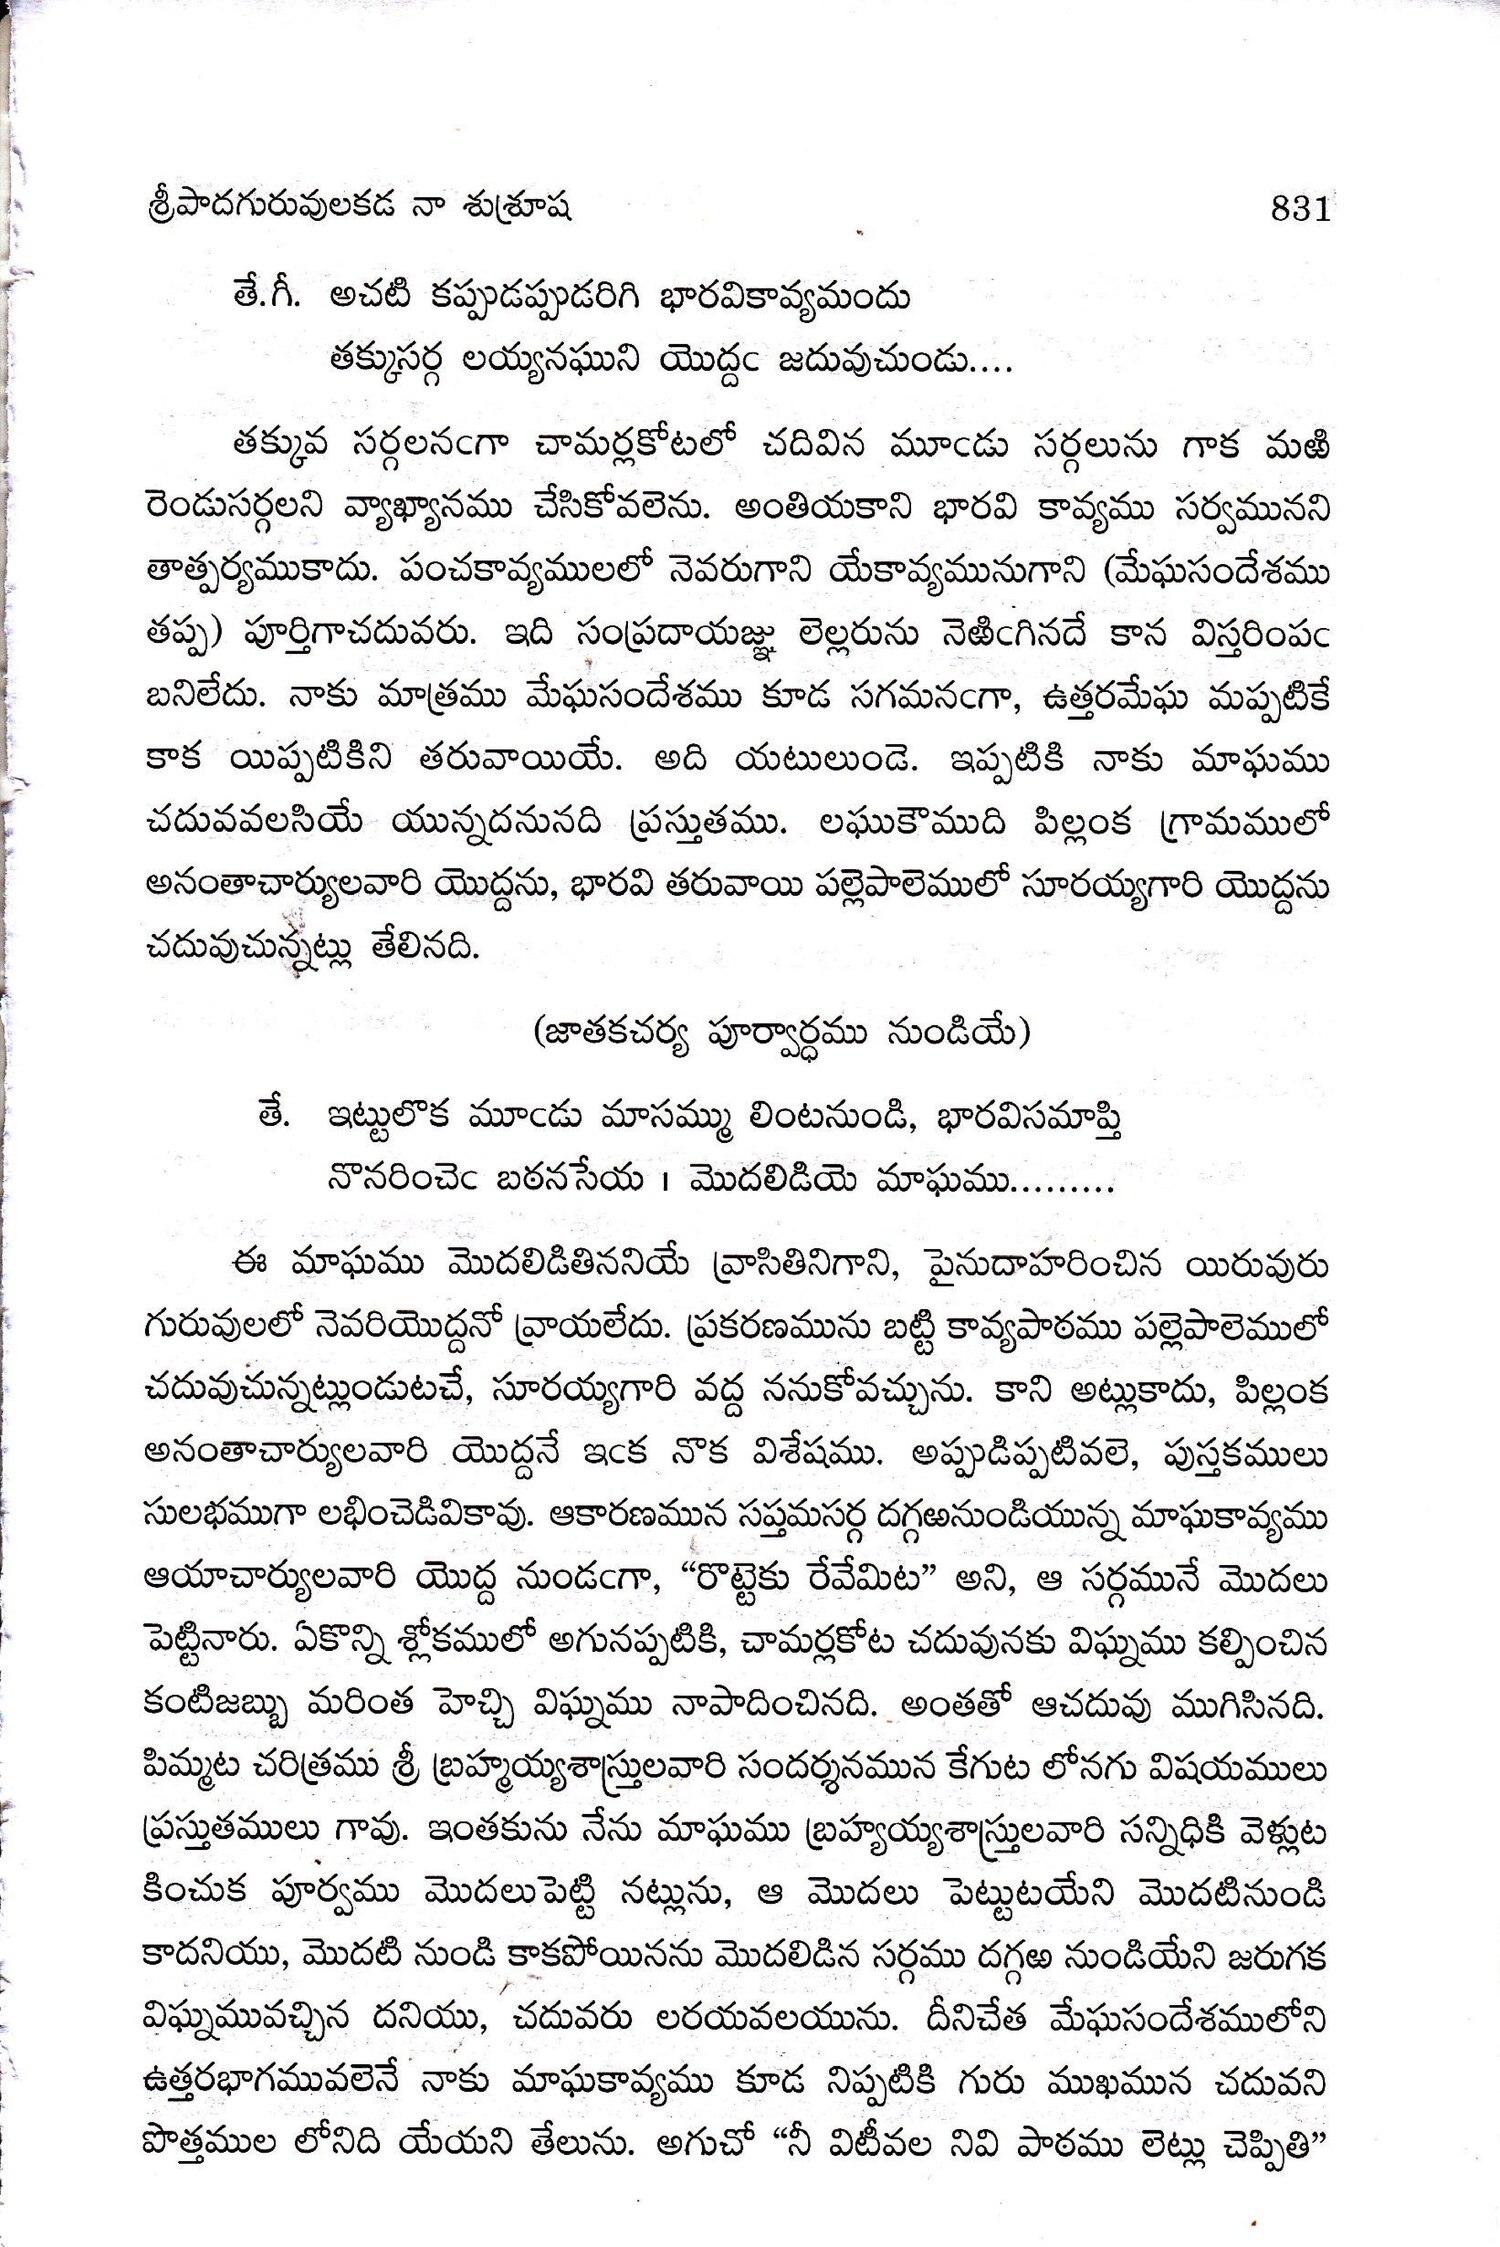తే.గీ. అచటి కప్పుడప్పుడరిగి భారవికావ్యమందు
 తక్కుసర్గ లయ్యనఘుని యొద్దఁ జదువుచుండు....
తక్కువ సర్గలనఁగా చామర్లకోటలో చదివిన మూఁడు సర్గలును గాక మఱి రెండుసర్గలని వ్యాఖ్యానము చేసికోవలెను. అంతియకాని భారవి కావ్యము సర్వమునని తాత్పర్యముకాదు. పంచకావ్యములలో నెవరుగాని యేకావ్యమునుగాని (మేఘసందేశము తప్ప) పూర్తిగాచదువరు. ఇది సంప్రదాయజ్ఞు లెల్లరును నెఱిఁగినదే కాన విస్తరింపఁ బనిలేదు. నాకు మాత్రము మేఘసందేశము కూడ సగమనఁగా, ఉత్తరమేఘ మప్పటికే కాక యిప్పటికిని తరువాయియే. అది యుటులుండె. ఇప్పటికి నాకు మాఘము చదువవలసియే యున్నదనునది ప్రస్తుతము. లఘుకౌముది పిల్లంక గ్రామములో అనంతాచార్యులవారి యొద్దను, భారవి తరువాయి పల్లెపాలెములో సూరయ్యగారి యొద్దను చదువుచున్నట్లు తేలినది.

తే. ఇట్టులొక మూఁడు మాసమ్ము లింటనుండి, భారవిసమాప్తి 
 నొనరించెఁ బఠనసేయ ! మొదలిడియె మాఘము.........
ఈ మాఘము మొదలిడితిననియే వ్రాసితినిగాని, పైనుదాహరించిన యిరువురు గురువులలో నెవరియొద్దనో వ్రాయలేదు. ప్రకరణమును బట్టి కావ్యపాఠము పల్లెపాలెములో చదువుచున్నట్లుండుటచే, సూరయ్యగారి వద్ద ననుకోవచ్చును. కాని అట్లుకాదు, పిల్లంక అనంతాచార్యులవారి యొద్దనే ఇఁక నొక విశేషము. అప్పుడిప్పటివలె, పుస్తకములు సులభముగా లభించెడివికావు. ఆకారణమున సప్తమసర్గ దగ్గఱనుండియున్న మాఘకావ్యము ఆయాచార్యులవారి యొద్ద నుండఁగా, "రొట్టెకు రేవేమిట” అని, ఆ సర్గమునే మొదలు పెట్టినారు. ఏకొన్ని శ్లోకములో అగునప్పటికి, చామర్లకోట చదువునకు విఘ్నము కల్పించిన కంటిజబ్బు మరింత హెచ్చి విఘ్నము నాపాదించినది. అంతతో ఆచదువు ముగిసినది. పిమ్మట చరిత్రము శ్రీ బ్రహ్మయ్యశాస్త్రులవారి సందర్శనమున కేగుట లోనగు విషయములు ప్రస్తుతములు గావు. ఇంతకును నేను మాఘము బ్రహ్యయ్యశాస్త్రులవారి సన్నిధికి వెళ్లుట కించుక పూర్వము మొదలుపెట్టి నట్లును, ఆ మొదలు పెట్టుటయేని మొదటినుండి కాదనియు, మొదటి నుండి కాకపోయినను మొదలిడిన సర్గము దగ్గఱ నుండియేని జరుగక విఘ్నమువచ్చిన దనియు, చదువరు లరయవలయును. దీనిచేత మేఘసందేశములోని ఉత్తరభాగమువలెనే నాకు మాఘకావ్యము కూడ నిప్పటికి గురు ముఖమున చదువని పొత్తముల లోనిది యేయని తేలును. అగుచో "నీ విటీవల నివి పాఠము లెట్లు చెప్పితి"